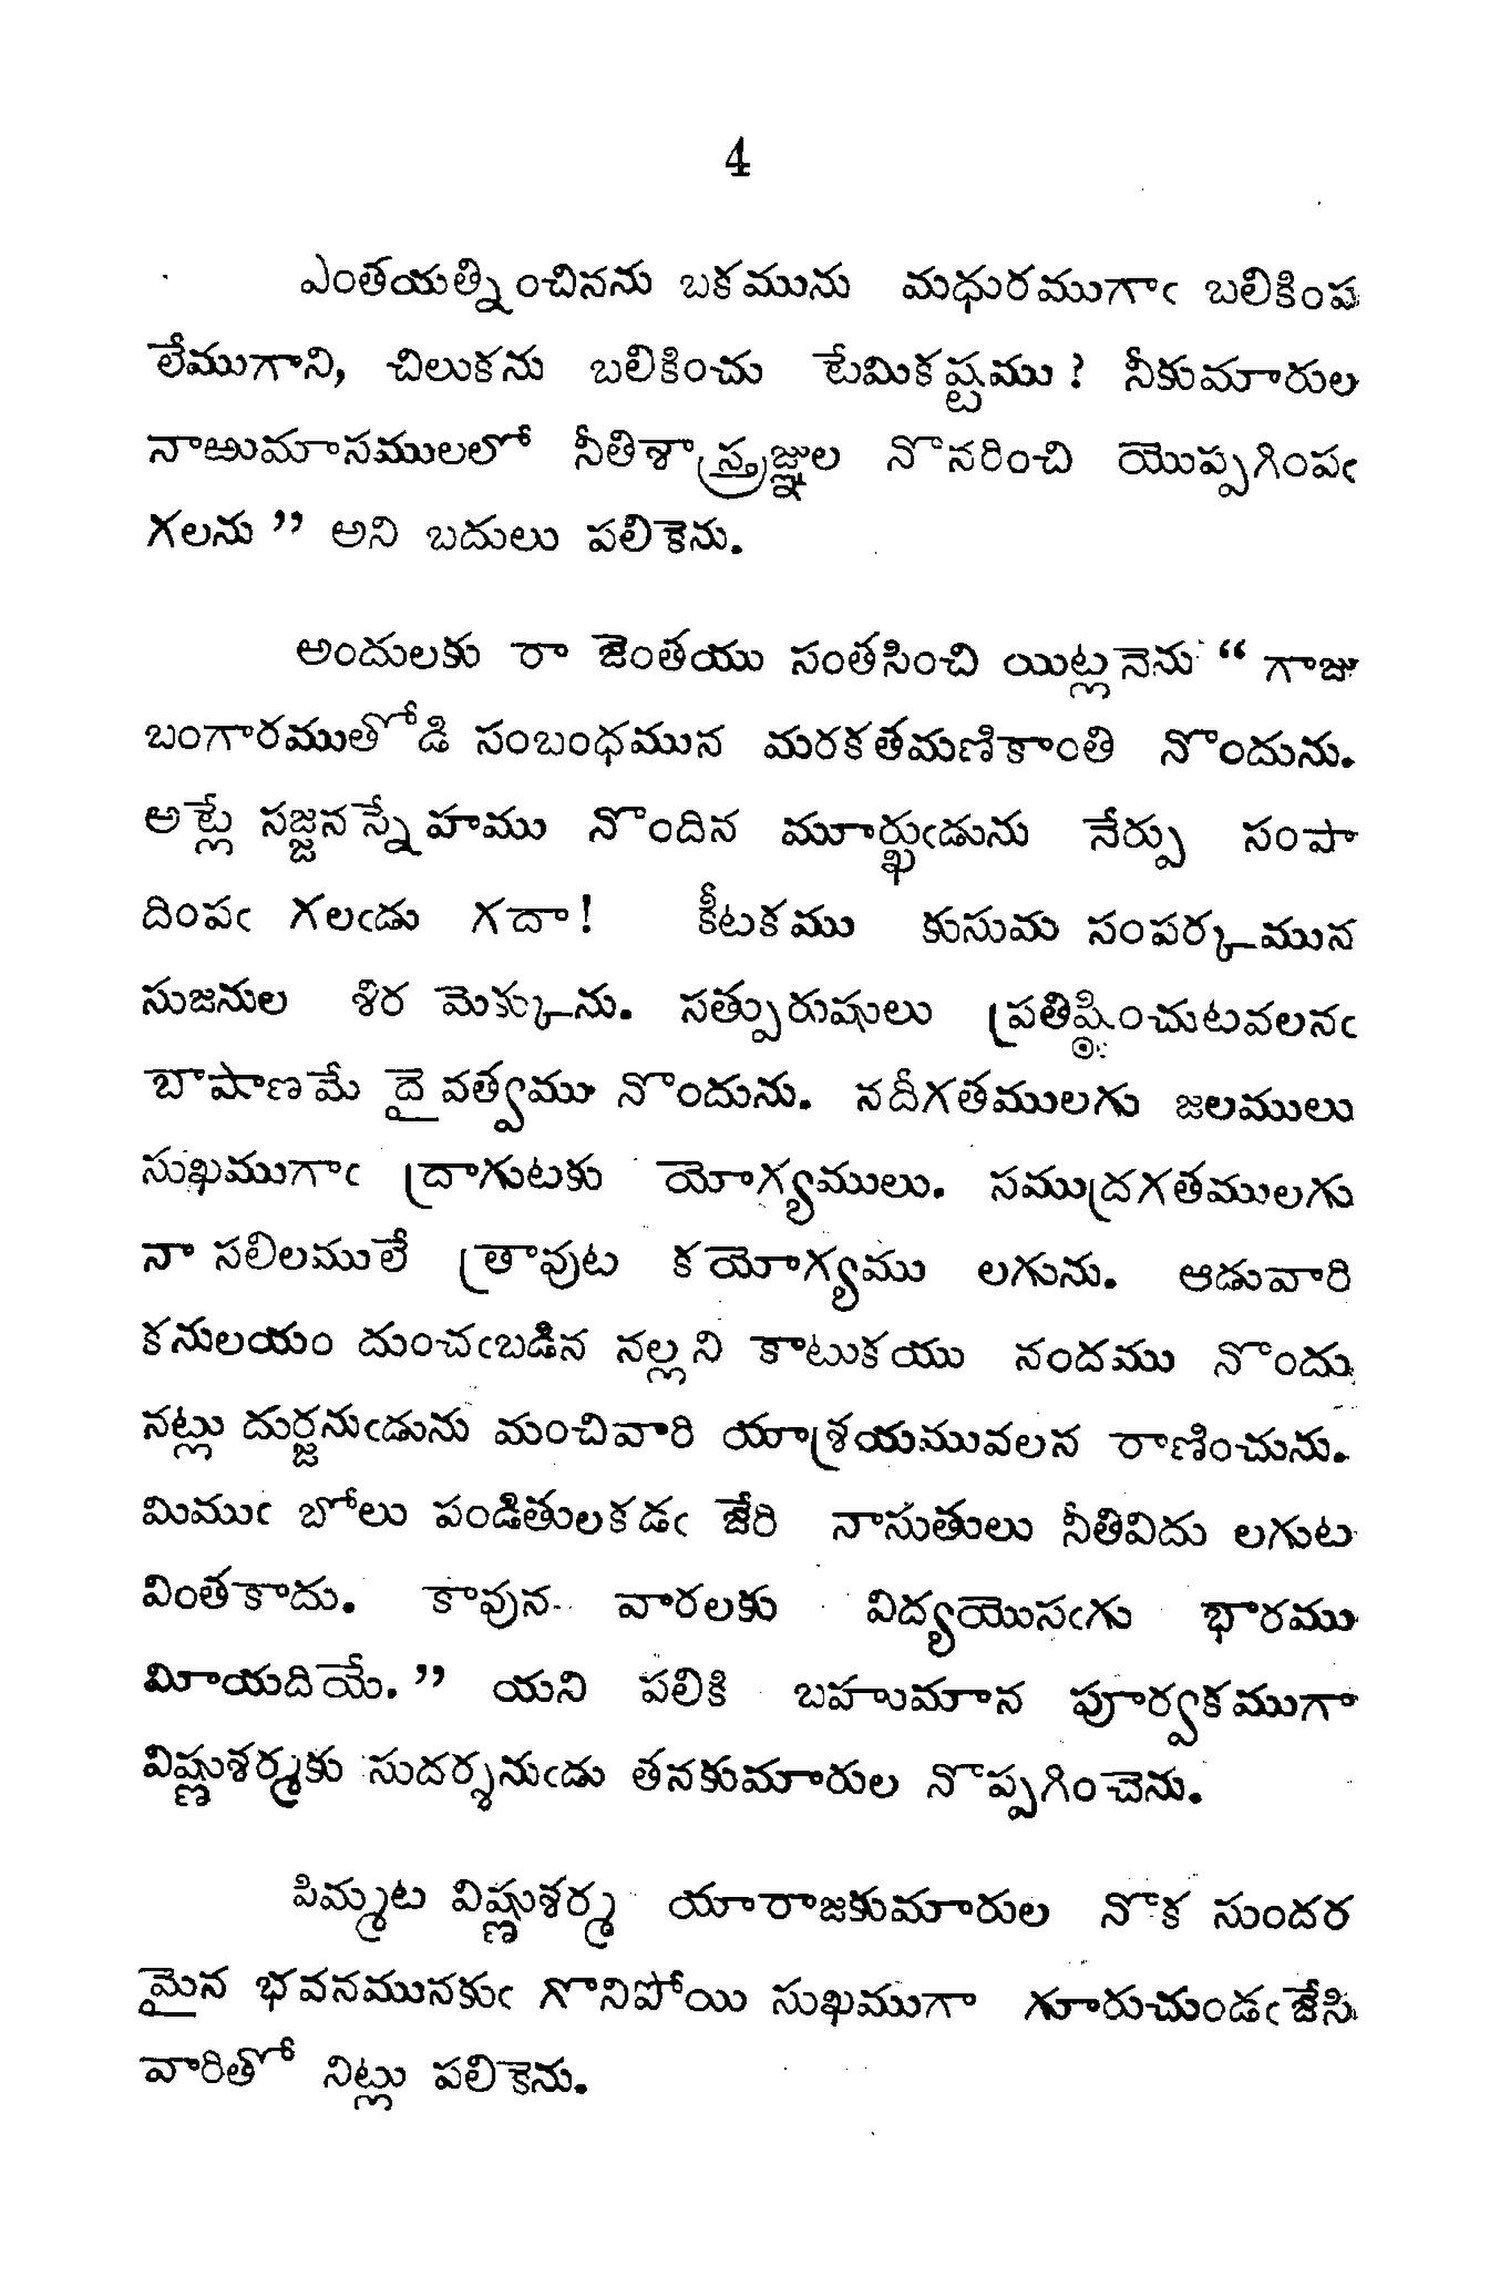ఎంతయత్నించినను బకమును మధురముగా బలికింపలేముగాని, చిలుకను బలికించు టేమికష్టము? నీకుమారుల నాఱుమాసములలో నీతిశాస్త్రజ్ఞుల నొనరించి యొప్పగింపగలను" అని బదులు పలికెను.

అందులకు రా జెంతయు సంతసించి యిట్లనెను. "గాజు బంగారముతోడి సంబంధమున మరకతమణికాంతి నొందును. అట్లే సజ్జనస్నేహము నొందిన మూర్ఖుడును నేర్పు సంపాదింప గలడు గదా! కీటకము కుసుమ సంపర్కమున సుజనుల శిర మెక్కును. సత్పురుషులు ప్రతిష్ఠించుటవలన బాషాణమే దైవత్వము నొందును. నదీగతములగు జలములు సుఖముగా ద్రాగుటకు యోగ్యములు. సముద్రగతములగు నా సలిలములే త్రావుట కయోగ్యము లగును. ఆడువారి కనులయం దుంచబడిన నల్లని కాటుకయు నందము నొందునట్లు దుర్జనుడును మంచివారి యాశ్రయమువలన రాణించును. మిము బోలు పండితులకడ జేరి నాసుతులు నీతివిదు లగుట వింతకాదు. కావున వారలకు విద్యయొసగు భారము మీయదియే." యని పలికి బహుమాన పూర్వకముగా విష్ణుశర్మకు సుదర్శనుడు తనకుమారుల నొప్పగించెను.

పిమ్మట విష్ణుశర్మ యారాజకుమారుల నొక సుందరమైన భవనమునకు గొనిపోయి సుఖముగా గూరుచుండ జేసి వారితో నిట్లు పలికెను.